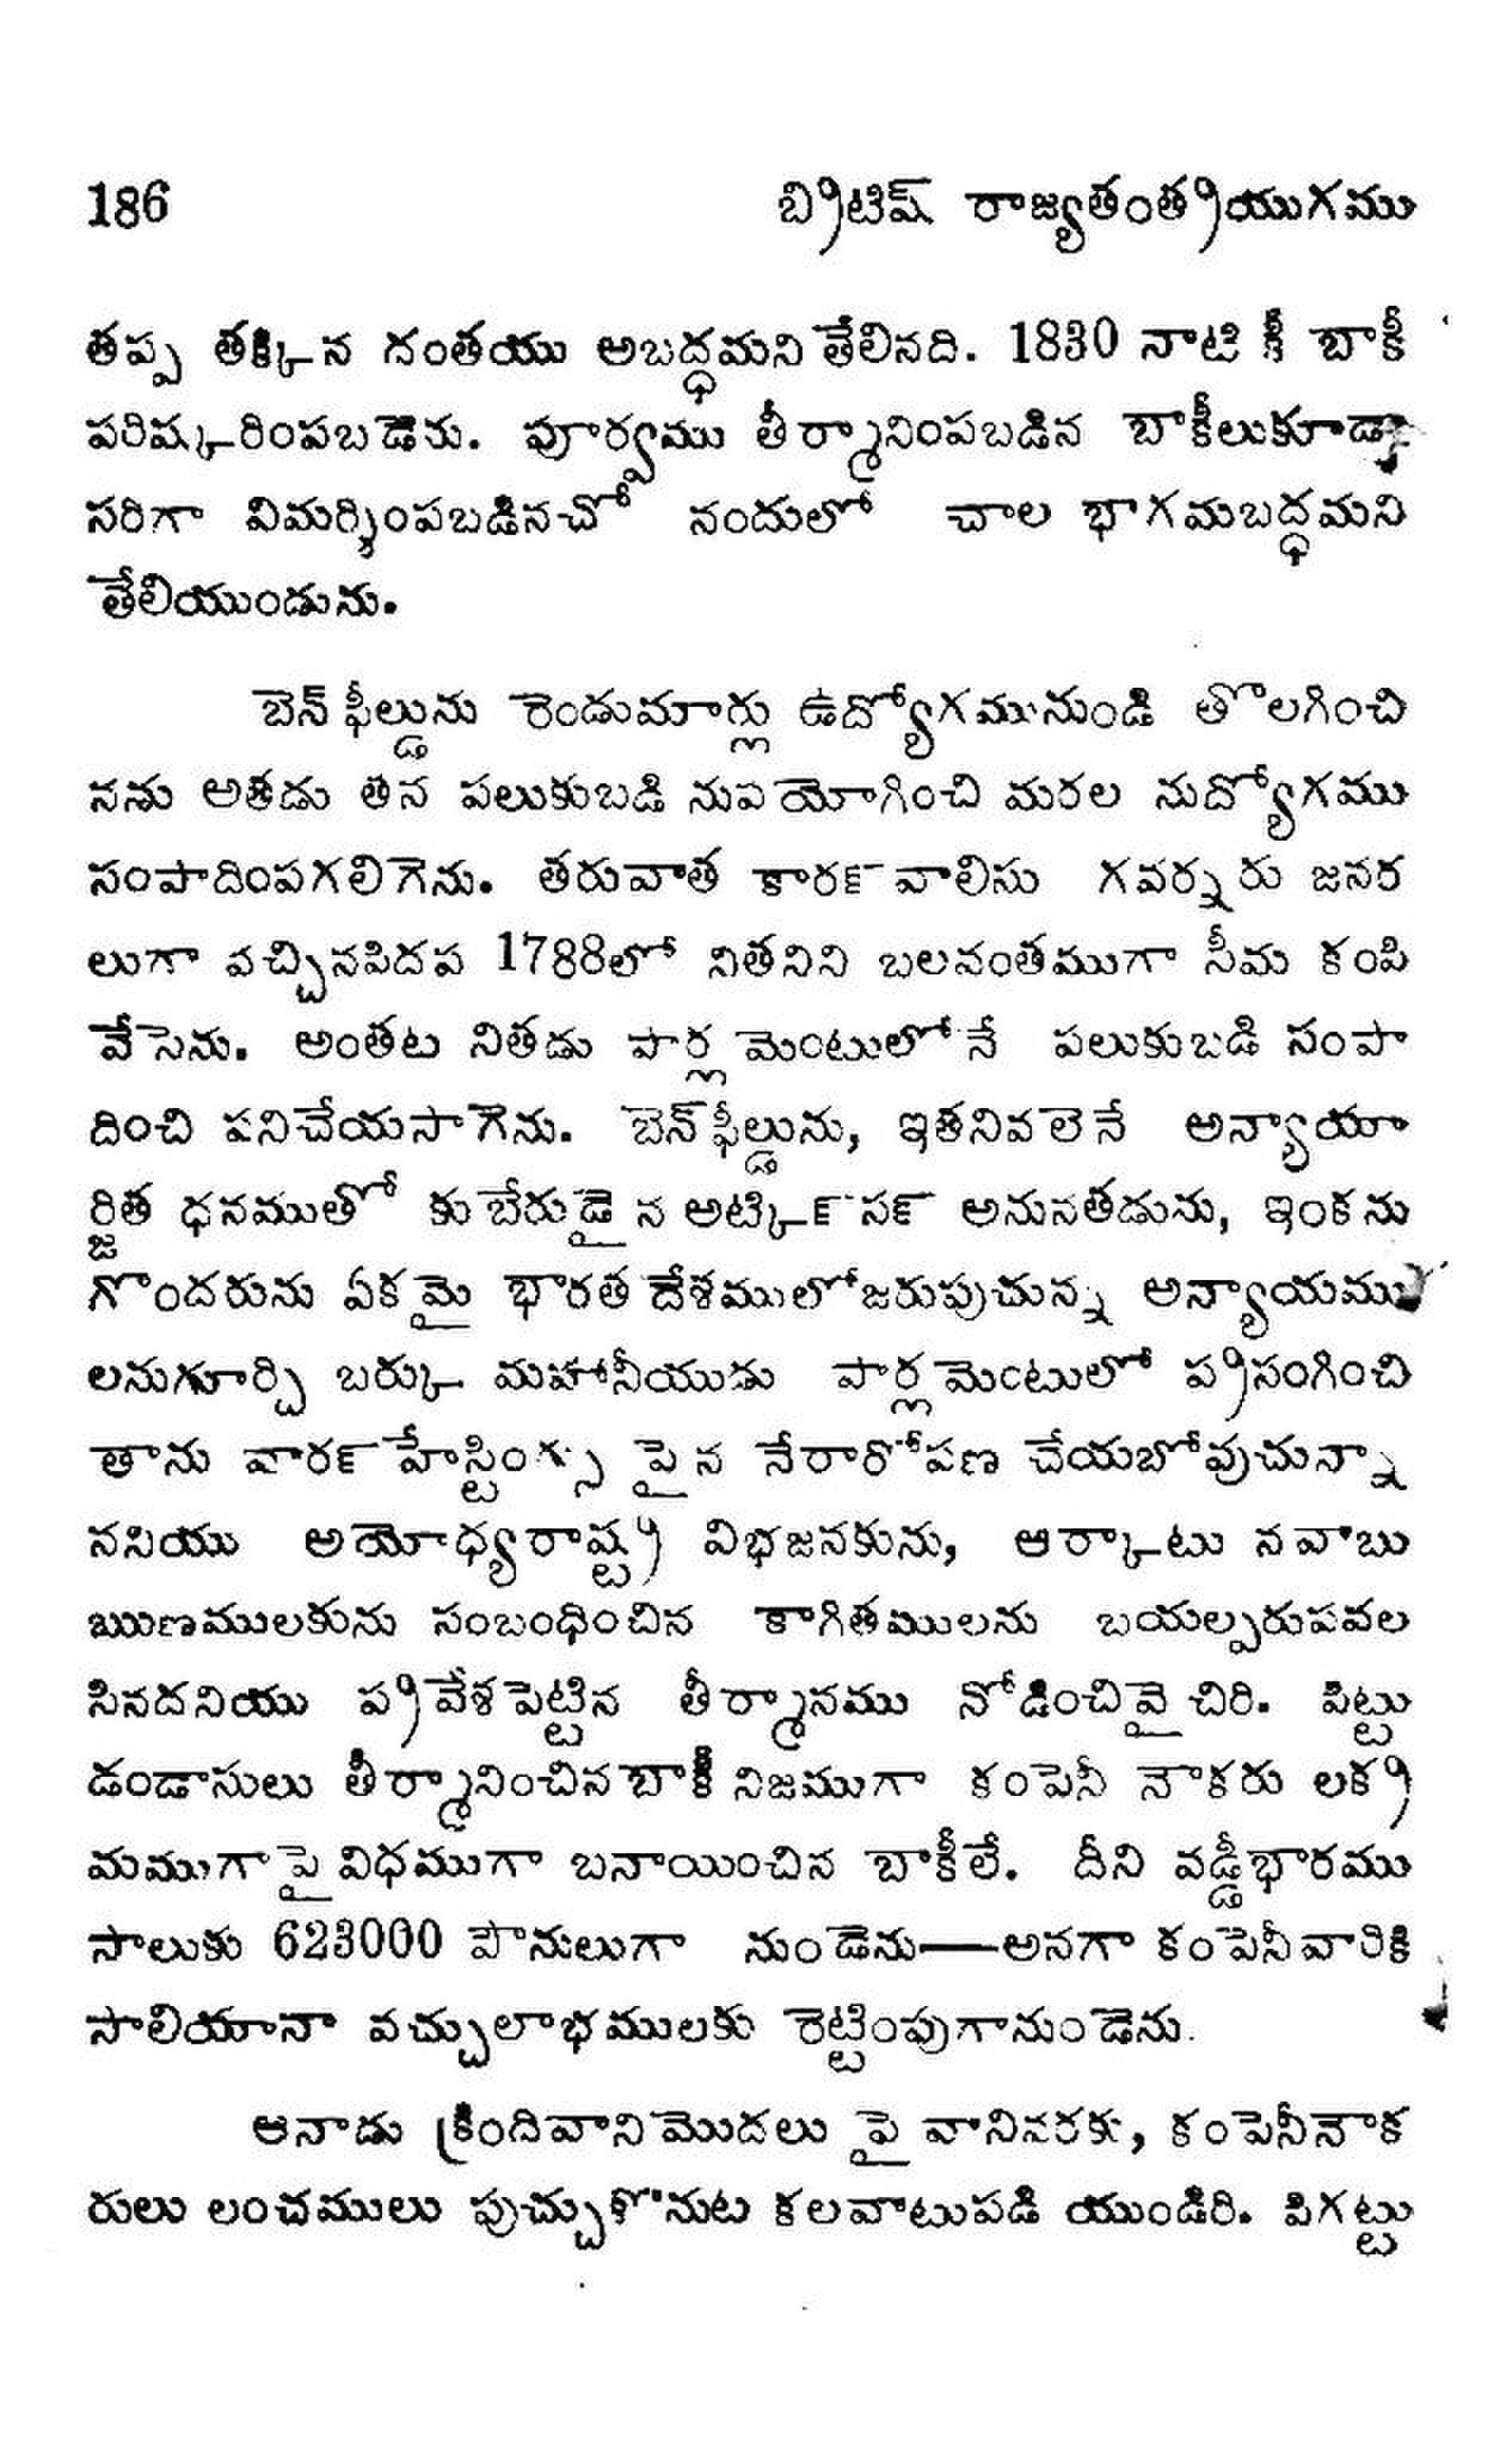తప్ప తక్కిన దంతయు అబద్దమని తేలినది. 1830 నాటి కీ బాకీ పరిష్కరింపబడెను. పూర్వము తీర్మానింపబడిన బాకీలుకూడా, సరిగా విమర్శింపబడినచో నందులో చాల భాగమబద్దమని తేలియుండును.

బెన్ ఫీల్డును రెండుమార్లు ఉద్యోగము నుండి తొలగించినను అతడు తన పలుకుబడి నుపయోగించి మరల నుద్యోగము సంపాదింపగలిగెను. తరువాత కార౯ వాలిసు గవర్నరు జనరలుగా వచ్చినపిదప 1788లో నితనిని బలవంతముగా సీమ కంపివేసెను. అంతట నితడు పార్లమెంటులోనే పలుకుబడి సంపాదించి పనిచేయసాగెను. బెన్‌ఫీల్డును, ఇతనివలెనే అన్యాయార్జిత ధనముతో కుబేరుడైన అట్కి౯ స౯ అనునతడును, ఇంకను గొందరును ఏకమై భారతదేశములో జరుపుచున్న అన్యాయములనుగూర్చి బర్కు మహానీయుడు పార్లమెంటులో ప్రసంగించి తాను వార౯ హేస్టింగ్సు పైన నేరారోపణ చేయబోవుచున్నాననియు అయోధ్యరాష్ట్ర విభజనకును, ఆర్కాటు నవాబు ఋణములకును సంబంధించిన కాగితములను బయల్పరుపవలసినదనియు ప్రవేశపెట్టిన తీర్మానము నోడించివైచిరి. పిట్టు డండాసులు తీర్మానించినబాకీ నిజముగా కంపెనీ నౌకరు లక్రమముగా పై విధముగా బనాయించిన బాకీలే. దీని వడ్డీభారము సాలుకు 623000 పౌనులుగా నుండెను – అనగా కంపెనీవారికి , సాలియానా వచ్చులాభములకు రెట్టింపుగానుండెను. .

ఆనాడు క్రిందివానిమొదలు పై వానివరకు, కంపెనీనౌకరులు లంచములు పుచ్చుకొనుట కలవాటుపడి యుండిరి. పిగట్టు